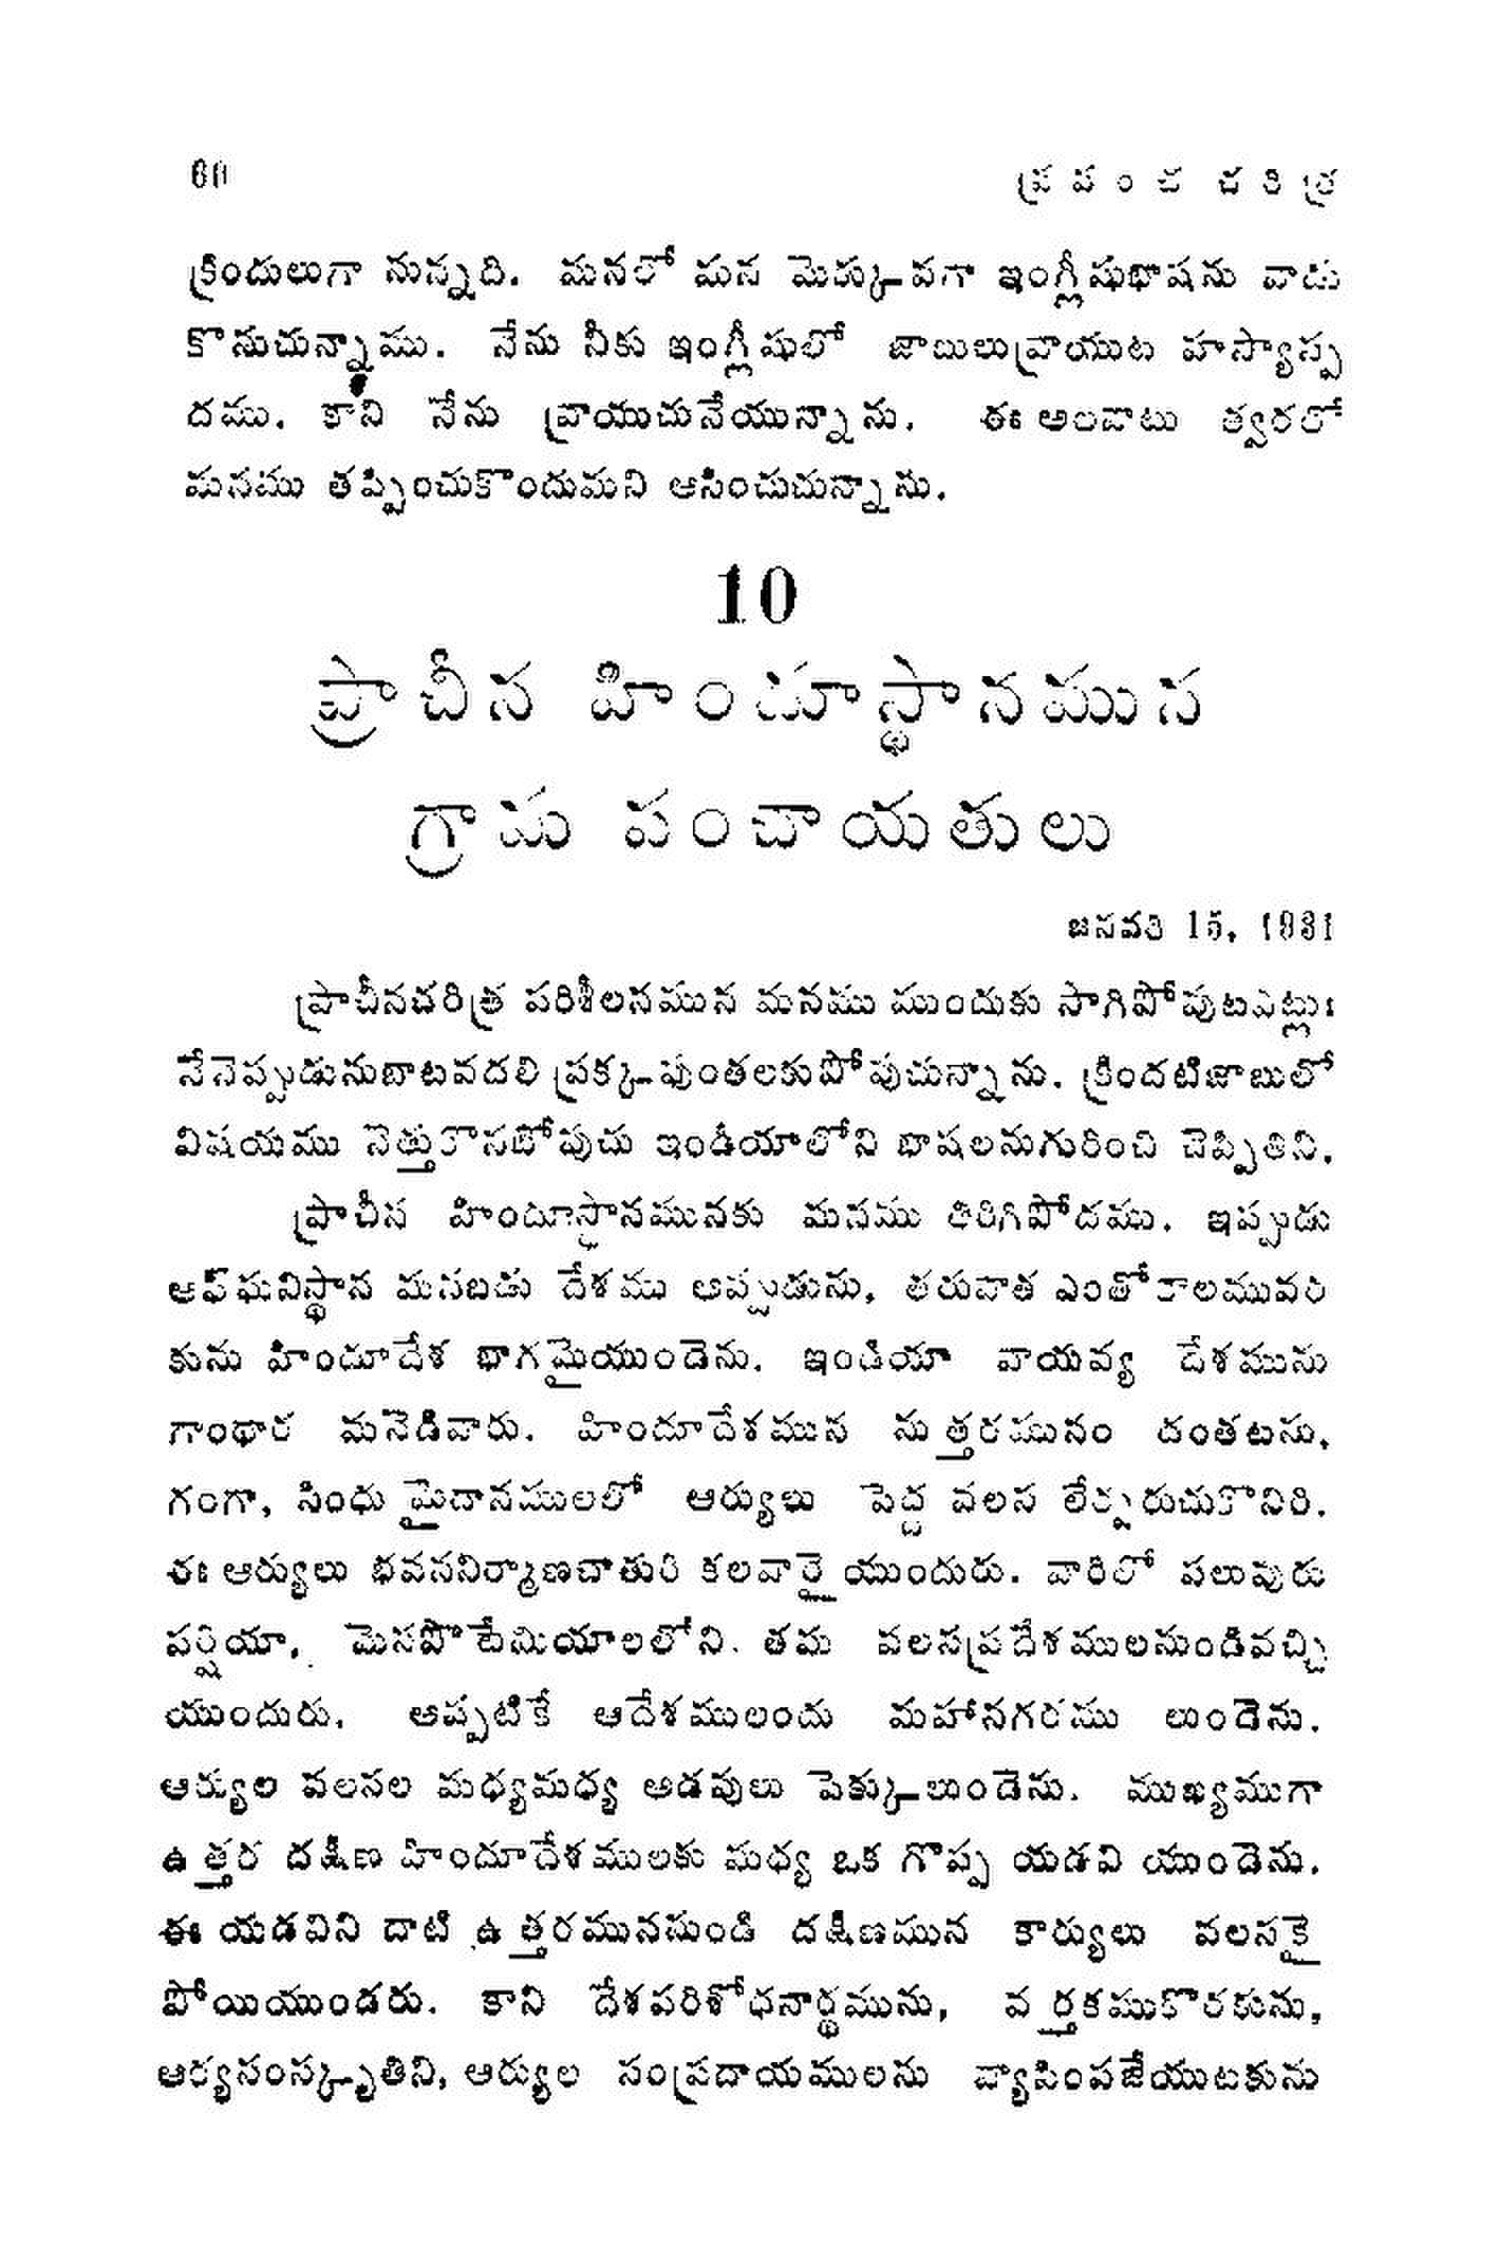క్రిందులుగా నున్నది. మనలో మన మెక్కువగా ఇంగ్లీషుభాషను వాడుకొనుచున్నాము. నేను నీకు ఇంగ్లీషులో జాబులువ్రాయుట హస్యాస్పదము. కాని నేను వ్రాయుచునేయున్నాను. ఈ అలవాటు త్వరలో మనము తప్పించుకొందుమని ఆసించుచున్నాను.

10 
ప్రాచీన హిందూస్థానమున గ్రామ పంచాయతులు
 
ప్రాచీనచరిత్ర పరిశీలనమున మనము ముందుకు సాగిపోవుట ఎట్లు: నేనెప్పుడును బాటవదలి ప్రక్క పుంతలకు పోవుచున్నాను. క్రిందటి జాబులో విషయము నెత్తుకొనబోవుచు ఇండియాలోని భాషలను గురించి చెప్పితిని,

ప్రాచీన హిందూస్థానమునకు మనము దిరిగిపోదము . ఇప్పుడు ఆఫ్‌ఘనిస్థాన మనబడు దేశము అప్పుడును, తరువాత ఎంతో కాలమువరకును హిందూదేశ భాగమైయుండెను. ఇండియా వాయవ్య దేశమును గాంధార మనెడివారు. హిందూదేశమున నుత్తరమునం దంతటను, గంగా, సింధు మైదానములలో ఆర్యులు పెద్ద వలస లేర్పరుచుకొనిరి. ఈ ఆర్యులు భవననిర్మాణచాతురి కలవారై యుందురు. వారిలో పలువురు పర్షియా, మెసపొటేమియాలలోని. తమ వలసప్రదేశములనుండివచ్చి యుందురు. అప్పటికే ఆదేశములందు మహానగరము లుండెను. ఆర్యుల వలసల మధ్యమధ్య అడవులు పెక్కులుండెను. ముఖ్యముగా ఉత్తర దక్షిణ హిందూదేశములకు మధ్య ఒక గొప్ప యడవి యుండెను. ఈ యడవిని దాటి ఉత్తరముననుండి దక్షిణమున కార్యులు వలసకై పోయియుండరు. కాని దేశపరిశోఛనార్థమును, వర్తకముకొరకును, ఆర్యసంస్కృతిని, ఆర్యుల సంప్రదాయములను వ్యాపింపజేయుటకును